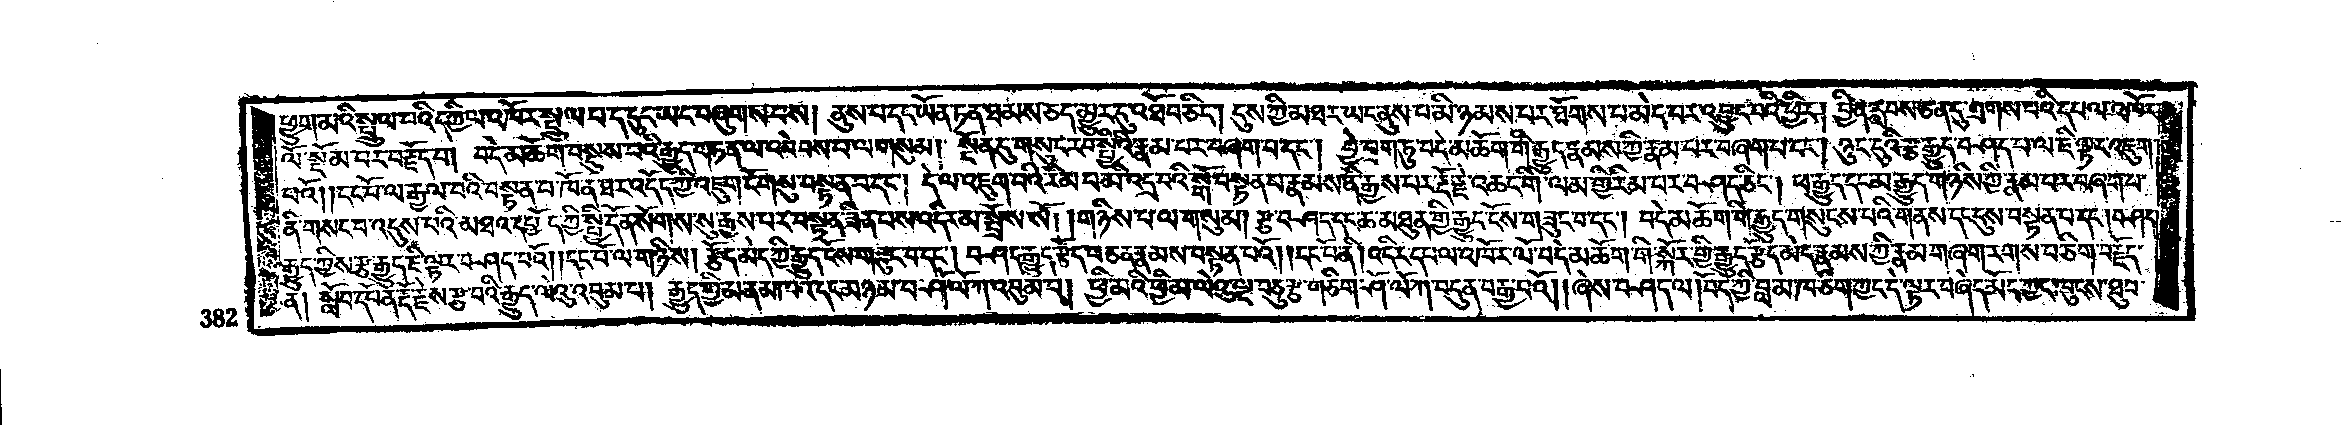ཕྱུག་མའི་སྤྲུལ་པའི་དཀྱིལ་འཁོར་སྤྲུལ་པ་ད་དུང་ཡང་བཞུགས་པས། ནུས་པ་དང་ཡོན་ཏན་ཐམས་ཅད་མྱུར་དུ་འཐོབ་ཅིང་། དུས་ཀྱི་མཐར་ཡང་ནུས་པ་མི་ཉམས་པར་ཐོགས་པ་མེད་པར་འབྱུང་བའི་ཕྱིར། བྱིན་རླབས་ཅན་དུ་གྲགས་པའི་དཔལ་འཁོར་
ལོ་སྡོམ་པར་བརྗོད་པ། བདེ་མཆོག་བསྡུས་པའི་རྒྱུད་གཏན་ལ་འབེབས་པ་ལ་གསུམ། སྔོན་དུ་གསུང་རབ་སྤྱིའི་རྣམ་པར་བཞག་པ་དང་། བྱེ་བྲག་ཏུ་བདེ་མཆོག་གི་རྒྱུད་རྣམས་ཀྱི་རྣམ་པར་བཞག་པ་དང་། ཉུང་ངུའི་རྩ་རྒྱུད་བཤད་པ་ལ་ཇི་ལྟར་འཇུག་
པའོ། །དང་པོ་ལ་རྒྱལ་བའི་བསྟན་པ་ཁོ་ན་ཐར་འདོད་ཀྱི་འཇུག་ངོགས་སུ་བསྟན་པ་དང་། དེ་ལ་འཇུག་པའི་རིམ་པ་མི་འདྲ་བའི་སྒོ་བསྟན་པ་རྣམས་ནི་རྒྱས་པར་རྡོ་རྗེ་འཆང་གི་ལམ་གྱི་རིམ་པར་བཤད་ཅིང་། ཕ་རྒྱུད་དང་མ་རྒྱུད་གཉིས་ཀྱི་རྣམ་པར་བཞག་པ་
ནི་གསང་བ་འདུས་པའི་མཐའ་དཔྱོད་ཀྱི་སྤྱི་དོན་སོགས་སུ་རྒྱས་པར་བསྟན་ཟིན་པས་འདིར་མ་སྤྲོས་སོ། །གཉིས་པ་ལ་གསུམ། རྩ་བཤད་དང་ཆ་མཐུན་གྱི་རྒྱུད་ངོས་གཟུང་བ་དང་། བདེ་མཆོག་གི་རྒྱུད་གསུངས་པའི་གནས་དང་དུས་བསྟན་པ་དང་། བཤད་
རྒྱུད་ཀྱིས་རྩ་རྒྱུད་ཇི་ལྟར་བཤད་པའོ། །དང་པོ་ལ་གཉིས། རྩོད་མེད་ཀྱི་རྒྱུད་ངོས་གཟུང་བ་དང་། བཤད་རྒྱུད་རྩོད་པ་ཅན་རྣམས་བསྟན་པའོ། །དང་པོ་ནི། འདིར་དཔལ་འཁོར་ལོ་བདེ་མཆོག་གི་སྐོར་གྱི་རྒྱུད་རྩོད་མེད་རྣམས་ཀྱི་རྣམ་གཞག་རགས་པ་ཅིག་བརྗོད་
ན། སློབ་དཔོན་རྡོ་རྗེས་རྩ་བའི་རྒྱུད་ལེའུ་འབུམ་པ། རྒྱུད་ཕྱི་མ་ནམ་མཁའ་དང་མཉམ་པ་ཤོ་ལོ་ཀ་འབུམ་པ། ཕྱི་མའི་ཕྱི་མ་ལེའུ་ལྔ་བཅུ་རྩ་གཅིག་ཤོ་ལོ་ཀ་བདུན་བརྒྱ་པའོ། །ཞེས་བཤད་ལ། བོད་ཀྱི་བླ་མ་ཁ་ཅིག་ཀྱང་དེ་ལྟར་བཞེད་མོད་ཀྱང་ཁུངས་ཐུབ་